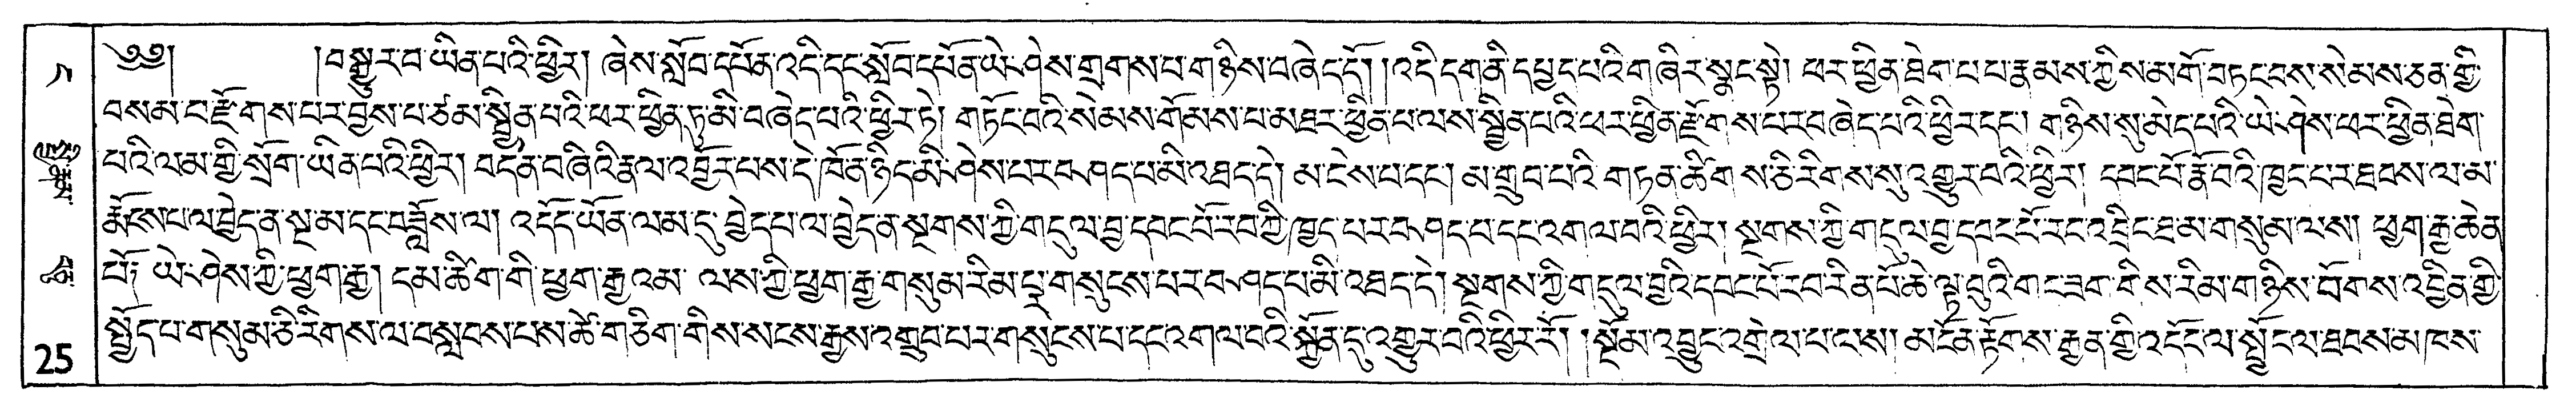༄༅། །བསྒྱུར་བ་ཡིན་པའི་ཕྱིར། ཞེས་སློབ་དཔོན་འདི་དང་སློབ་དཔོན་ཡེ་ཤེས་གྲགས་པ་གཉིས་བཞེད་དོ། །འདི་དག་ནི་དཔྱད་པའི་གཞིར་སྣང་སྟེ། ཕར་ཕྱིན་ཐེག་པ་པ་རྣམས་ཀྱིས་མགོ་བཏང་བས་སེམས་ཅན་གྱི་
བསམ་པ་རྫོགས་པར་བྱས་པ་ཙམ་སྦྱིན་པའི་ཕར་ཕྱིན་ཏུ་མི་བཞེད་པའི་ཕྱིར་ཏེ། གཏོང་བའི་སེམས་གོམས་པ་མཐར་ཕྱིན་པ་ལས་སྦྱིན་པའི་ཕར་ཕྱིན་རྫོགས་པར་བཞེད་པའི་ཕྱིར་དང་། གཉིས་སུ་མེད་པའི་ཡེ་ཤེས་ཕར་ཕྱིན་ཐེག་
པའི་ལམ་གྱི་སྲོག་ཡིན་པའི་ཕྱིར། བདེན་བཞིའི་རྣལ་འབྱོར་པས་དེ་ཁོ་ན་ཉིད་མི་ཤེས་པར་བཤད་པ་མི་འཐད་དེ། མ་ངེས་པ་དང་། མ་གྲུབ་པའི་གཏན་ཚིགས་ཅི་རིགས་སུ་འགྱུར་བའི་ཕྱིར། དབང་པོ་རྣོ་བའི་ཁྱད་པར་ཐབས་ལ་མ་
རྨོངས་པ་ལ་བྱེད་ན་སྔ་མ་དང་བཟློས་ལ། འདོད་ཡོན་ལམ་དུ་བྱེད་པ་ལ་བྱེད་ན་སྔགས་ཀྱི་གདུལ་བྱ་དབང་པོ་རབ་ཀྱི་ཁྱད་པར་བཤད་པ་དང་འགལ་བའི་ཕྱིར། སྔགས་ཀྱི་གདུལ་བྱ་དབང་པོ་རབ་འབྲིང་ཐ་མ་གསུམ་ལས། ཕྱག་རྒྱ་ཆེན་
པོ༑ ཡེ་ཤེས་ཀྱི་ཕྱག་རྒྱ། དམ་ཚིག་གི་ཕྱག་རྒྱའམ་ལས་ཀྱི་ཕྱག་རྒྱ་གསུམ་རིམ་པར་གསུངས་པར་བཤད་པ་མི་འཐད་དེ། སྔགས་ཀྱི་གདུལ་བྱའི་དབང་པོ་རབ་རིན་པོ་ཆེ་ལྟ་བུའི་གང་ཟག་གིས་རིམ་གཉིས་བོགས་འབྱིན་གྱི་
སྤྱོད་པ་གསུམ་ཅི་རིགས་ལ་བསླབས་པས་ཚེ་གཅིག་གིས་སངས་རྒྱས་འགྲུབ་པར་གསུངས་པ་དང་འགལ་བའི་སྐྱོན་དུ་འགྱུར་བའི་ཕྱིར་རོ། །སྡོམ་འབྱུང་འགྲེལ་པ་ལས། མངོན་རྟོགས་རྒྱན་གྱི་འདོད་ལ་སྤྱོད་ལ་ཐབས་མཁས་